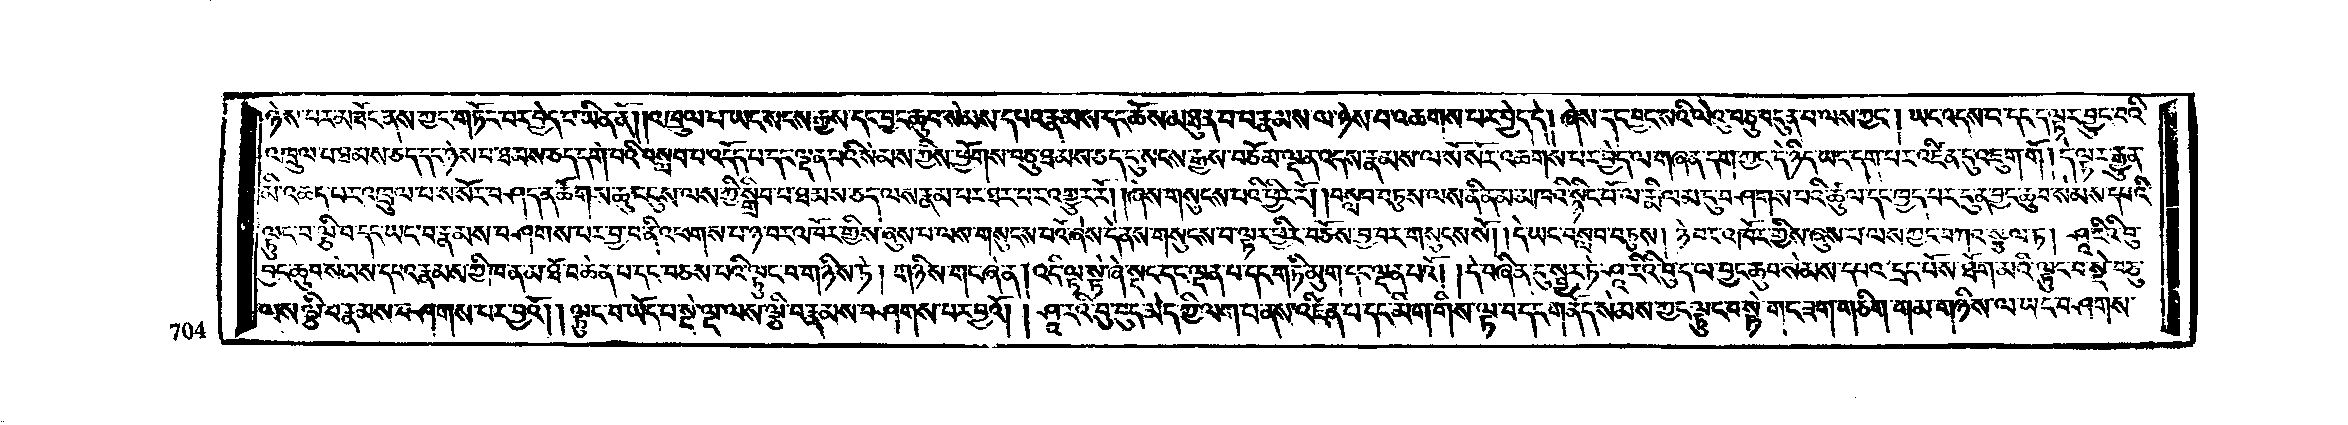ཉེས་པར་མཐོང་ནས་ཀྱང་གཏོང་བར་བྱེད་པ་ཡིན་ནོ། །འཁྲུལ་པ་ཡང་སངས་རྒྱས་དང་བྱང་ཆུབ་སེམས་དཔའ་རྣམས་དང་ཆོས་མཐུན་པ་བ་རྣམས་ལ་ཉེས་བ་འཆགས་པར་བྱེད་དེ། ཞེས་དང་བྱང་སའི་ལེའུ་བཅུ་བདུན་པ་ལས་ཀྱང་། ཡང་འདས་པ་དང་ད་ལྟར་བྱུང་བའི་
འཁྲུལ་པ་ཐམས་ཅད་དང་ཉེས་པ་ཐམས་ཅད་དགེ་བའི་བསླབ་པ་འདོད་པ་དང་ལྡན་པའི་སེམས་ཀྱིས་ཕྱོགས་བཅུ་ཐམས་ཅད་དུ་སངས་རྒྱས་བཅོམ་ལྡན་འདས་རྣམས་ལ་སོ་སོར་འཆགས་པར་བྱེད་ལ་གཞན་དག་ཀྱང་དེ་ཉིད་ཡང་དག་པར་འཛིན་དུ་འཇུག་གོ །དེ་ལྟར་རྒྱུན་
མི་འཆད་པར་འཁྲུལ་པ་ས་སོར་བཤད་ན་ཚོགས་ཆུང་ངུས་ལས་ཀྱི་སྒྲིབ་པ་ཐམས་ཅད་ལས་རྣམ་པར་ཐར་པར་འགྱུར་རོ། །ཞེས་གསུངས་པའི་ཕྱིར་རོ། །བསླབ་བཏུས་ལས་ནི་ནམ་མཁའི་སྙིང་པོ་ལ་རྨི་ལམ་དུ་བཤགས་པའི་ཚུལ་དང་ཁྱད་པར་དུ་ན་བྱང་ཆུབ་སེམས་དཔའི་
ལྟུང་བ་ལྕི་བ་དང་ཡང་བ་རྣམས་བཤགས་པར་བྱ་བ་ནི་འཕགས་པ་ཉ་བར་འཁོར་གྱིས་ཞུས་པ་ལས་གསུངས་པའོ་ཞེས་དེ་ནས་གསུངས་པ་ལྟར་ཕྱིར་བཅོས་བྱ་བར་གསུངས་སོ། །དེ་ཡང་བསླབ་བཏུས། ཉེ་བར་འཁོར་གྱིས་ཞུས་པ་ལས་ཀྱང་བཀའ་སྩལ་ཏ། ཤཱ་རིའི་བུ་
བྱང་ཆུབ་སེམས་དཔའ་རྣམས་ཀྱི་ཁ་ན་མ་ཐོ་བ་ཆེན་པ་དང་བཅས་པའི་ལྟུང་བ་གཉིས་ཏེ། གཉིས་གང་ཞེ་ན། འདི་ལྟ་སྟེ་ཞེ་སྡང་དང་ལྡན་པ་དང་གཏི་མུག་དང་ལྡན་པའོ། །དེ་བཞིན་དུ་སྦྱར་ཏེ་ཤཱ་རིའི་བུ་ད་ལ་བྱང་ཆུབ་སེམས་དཔའ་དྲང་པོས་ཐོག་མའི་ལྟུང་བ་སྡེ་བཅུ་
ལས་ལྕི་པ་རྣམས་བཤགས་པར་བྱའོ། །ལྟུང་བ་ཡོད་པ་སྡེ་ལྔ་ལས་ལྕི་བ་རྣམས་བཤགས་པར་བྱའོ། །ཤཱ་རའི་བུ་བུད་མེད་ཀྱི་ལག་པ་ནས་འཛིན་པ་དང་མིག་གིས་ལྟ་བ་དང་གནོད་སེམས་ཀྱང་ལྟུང་བ་སྟེ་གང་ཟག་གཅིག་གམ་གཉིས་ལ་ཡང་བཤགས་